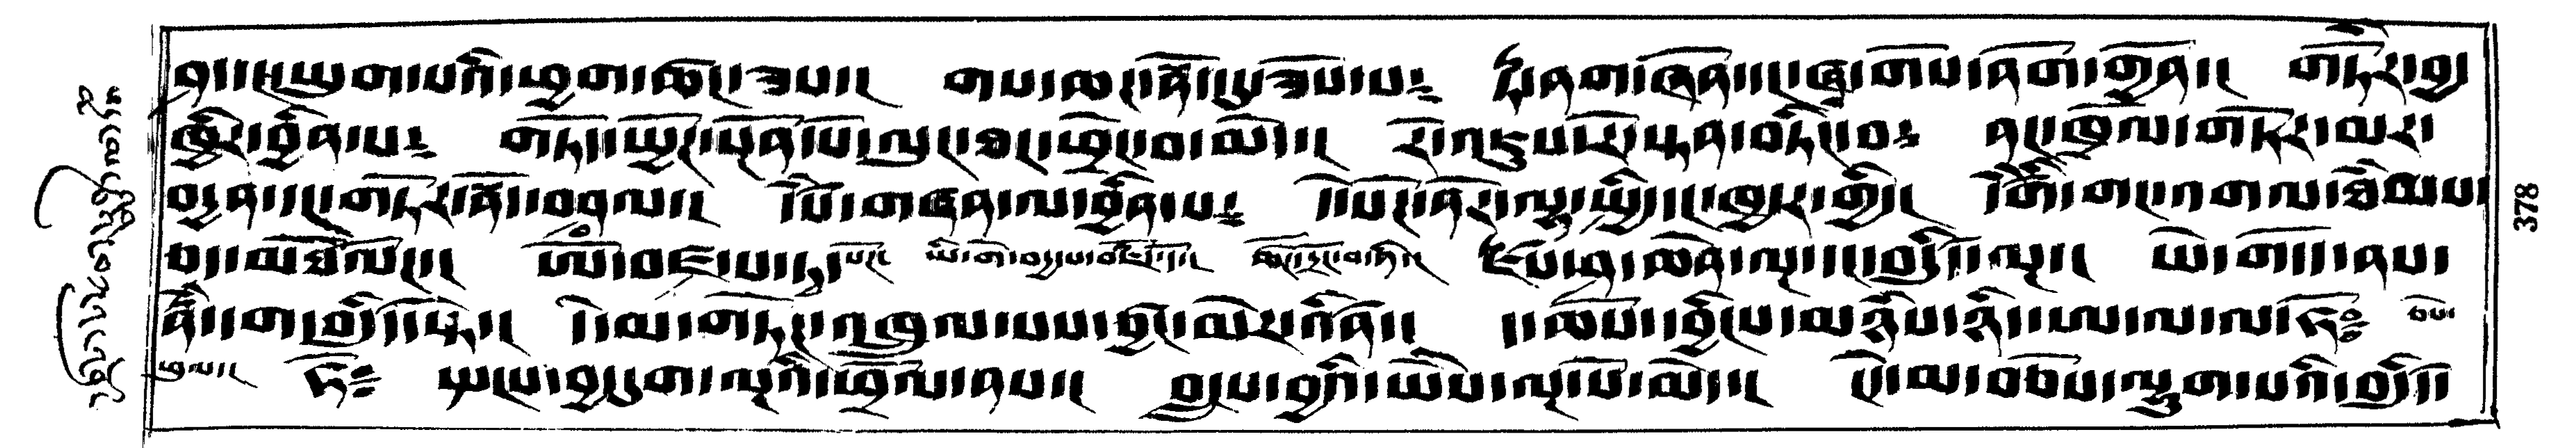ཤ་དང་ཡུག་སའི་ཕྱག་ཚང་ཟས། །གས་ཆག་སྣོད་དུ་ཟོས་པ༴ རྟ་ནག་བཞོན་དང་ཞྭ་གོས་ནག་པོ་གྱོན། །གཏོར་མ་བྱ་
ཁྱིར་བྱིན་པ༴ སྟོད་གཡོགས་སྔོན་པོ་ལུང་ཐང་ཕྲེང་བ་མེད། །རོ་འཇུས་རོ་སྟན་བཏིང་བ༴ ནང་ཁྲོལ་གཏོར་མར་
བརྒྱན་དང་གཏོར་སྣོད་བཤལ། །དམ་རྫས་གཞན་ལ་བྱིན་པ༴ དེ་སོགས་ནོར་ལྷ་སྤྱི་དང་ཁྱད་པར་གྱི། །དམ་ཚིག་གང་འགལ་ཐམས་
ཅད་མཐོལ་ལོ་བཤགས། ཨོཾ་བཛྲ་ས་ཏྭོ་སོགས་ཡི་གེ་བརྒྱ་པ་བརྗོད། ཚོགས་དྲངས་བ་ནི། རྫས་ཤ་ཆེན་ལྔ་དང་བདུད་རྩི་ལྔ། ཡེ་གདོད་ནས་
རྣམ་དག་བདུད་རྩི་སྟེ། དེ་མ་གཏོར་འཁྲུལ་པས་གཙང་དམཻར་འཛིན། །ད་ཆོས་དབྱིངས་མཉམ་ཉིད་ཨ་ལ་ལ་ཧོ༔ ཞེས་
ཕུལ། ཧོཿ སྤང་བྱ་དུག་ལྔའི་ཕ་རོལ་ནས། བླང་བྱའི་ཡེ་ཤེས་ལྔ་པོ་མེད། །ངེད་མ་བཅོས་ལྷུག་པའི་བདུད་རྩི་